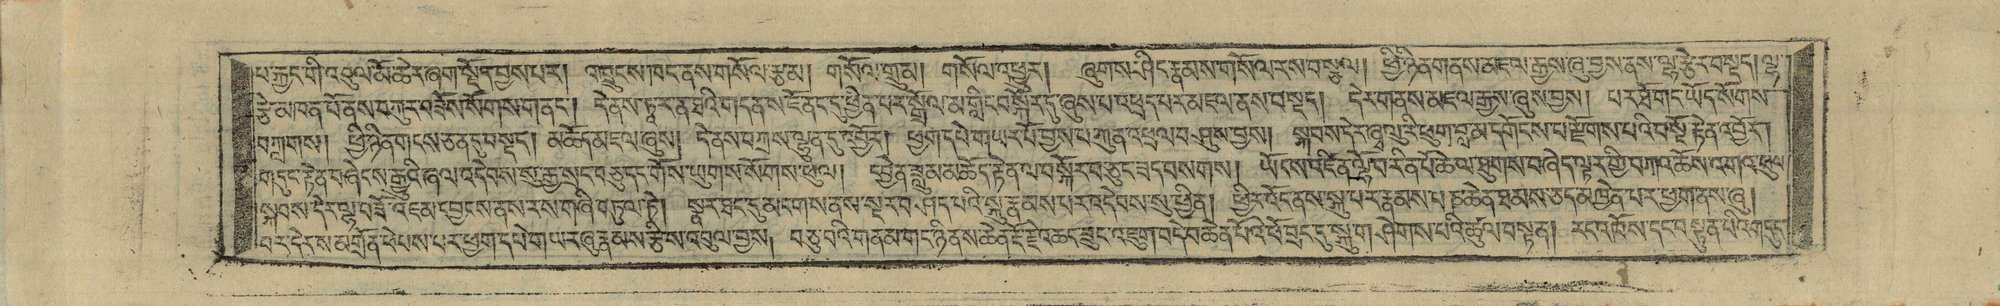པ་རྐྱང་གི་འབུལ་མོ་ཆེར་ཞག་སྡོད་བྱས་པར། འཁྲུངས་ཁང་ནས་གསོལ་རྩམ། གསོལ་གྲུམ། གསོལ་འཕྱུར། ཞུགས་ཤིང་རྣམས་གསོལ་རས་བསྩལ། ཕྱི་ཉིན་གནས་མཇལ་རྒྱས་ཞུ་བྱས་ནས་ལྷ་རྩེར་བསྡད། ལྷ་
རྩེ་མཁན་པོ་ནས་བཀུར་བཟོས་སོགས་གནང་། དེ་ནས་ཏཱ་ར་ན་ཐའི་གདན་ས་ཇོ་ནང་དུ་ཕྱིན་པར་སྒྲོལ་མ་གླིང་བསྐོར་དུ་ཞུས་པ་འཕྲད་པར་མཇལ་ནས་བསྡད། དེར་གནས་མཇལ་རྒྱས་ཞུས་བྱས། པར་ཐོ་གང་ཡོད་སོགས་
བཀླགས། ཕྱི་ཉིན་གངས་ཅན་དུ་བསྡང་། མཆོད་མཇལ་ཞུས། དེ་ནས་བཀྲས་ལྷུན་དུ་འབྱོར། ཕྱག་དཔེ་གཡར་པོ་བྱས་པ་ཀུན་འཕྲལ་བཤུས་བྱས། སྐབས་དེར་ཞྭ་ལུ་རི་ཕུག་བླ་མ་དགོངས་པ་རྫོགས་པའི་བསྔོ་རྟེན་འབྱོར།
གདུང་རྟེན་བཞེངས་རྒྱུའི་ཞལ་འདེབས་སུ་རྒྱ་སྲང་བཅུ་དང་གོས་ཡུགས་སོགས་ཕུལ། དབྱེན་ཟླུམ་མཆོད་རྟེན་ལ་བསྐོར་བ་ཅུང་ཟད་བསགས། ཡོངས་འཛིན་ལྷོ་བ་རིན་པོ་ཆེ་ལ་ཐུགས་བཞེད་ལྟར་གྱི་བཀའ་ཆོས་འགའ་ཕུལ་
སྐབས་དེར་ལྷ་བཟོ་འཇམ་དབྱངས་ནས་རས་གཞི་བཏུལ་ཏེ། སྣར་ཐང་དུ་མངགས་ནས་སྔར་བཤད་པའི་སྐུ་རྣམས་པར་འདེབས་སུ་ཕྱིན། ཕྱིར་འོང་ནས་སྐུ་པར་རྣམས་པཎ་ཆེན་ཐམས་ཅད་མཁྱེན་པར་ཕྱག་ནས་ཞུ།
བར་དེར་ས་མགྲོན་ཕེབས་པར་ཕྱག་དཔེ་གཡར་ཞུ་རྣམས་རྩིས་འབུལ་བྱས། བཅུ་པའི་གནམ་གང་ཉིན་ས་ཆེན་རྡོ་རྗེ་འཆང་ཟུང་འཇུག་བདེ་བ་ཆེན་པོའི་ཕོ་བྲང་དུ་སྐུ་གཤེགས་པའི་ཚུལ་བསྟན། རང་འཁོས་དང་བསྟུན་པའི་གདུང་